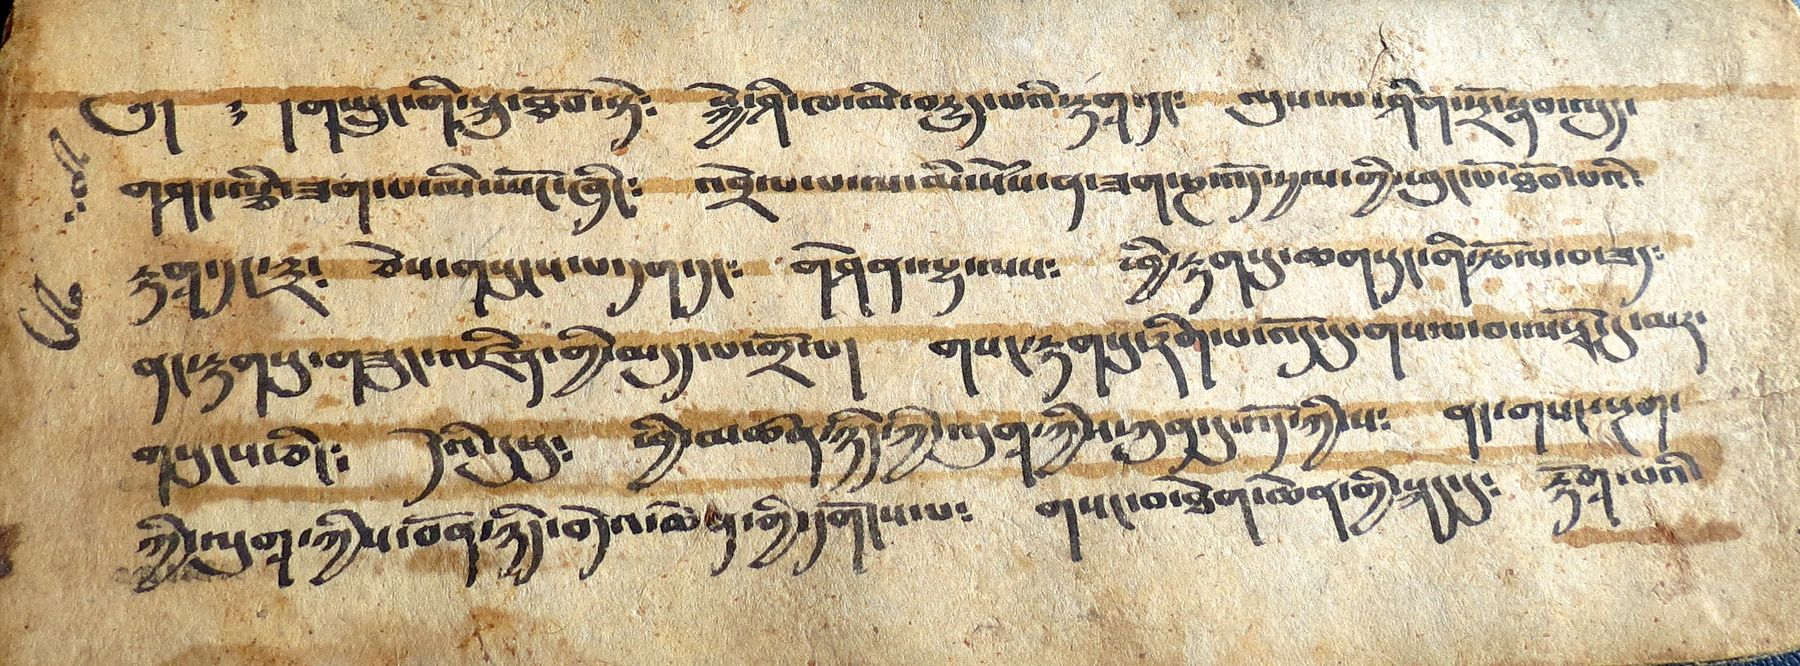གཡུང་དྲུང་གི་སྐུ་ཐོབ་སྟེ། སྐྱེ་ཤིའི་ཁ་མི་བརྒྱུད་པའི་རྟགས་དང་། ལུས་ལ་ཤིག་སྲོ་སྣབ་ལུད་
གཤང་ལྕི་ཟག་པ་མི་འོང་ཞིང་འབྲེལ་བ་ལ་མི་སེམས་ན། ཟག་མེད་འོད་གསལ་གྱི་ཕུང་པོ་ཐོབ་པའི་
རྟགས་གསུམ། ཞེས་གསུངས་པ་དག་གོ ། གཤེན་ལྷ་ལས་ཕྱི་རྟགས་སུ་ཆགས་སྡང་གི་རྩོལ་བ་ཟད། 
ནང་རྟགས་སུ་གཟུང་འཛིན་མདུད་པ་གྲོལ། གསང་རྟགས་སུ་རིག་པ་འོད་དུ་གསལ་བའོ། ། ལ་སོགས་དུ་མར་
གསུངས་ཤིང་། དེའི་དུས་སུ་ཕྱི་མཚན་ཉིད་པའི་ལུགས་ཀྱི་ཀུན་ཏུ་འོད་ཀྱི་ས། ནང་གསང་སྔགས་
པའི་ལུགས་ཀྱི་བོན་ཉིད་བདེ་ཆེན་གྱི་དགོངས་པ། གསང་བ་ཐེག་ཆེན་གྱི་སྐད་དུ། རྟོགས་པའི་